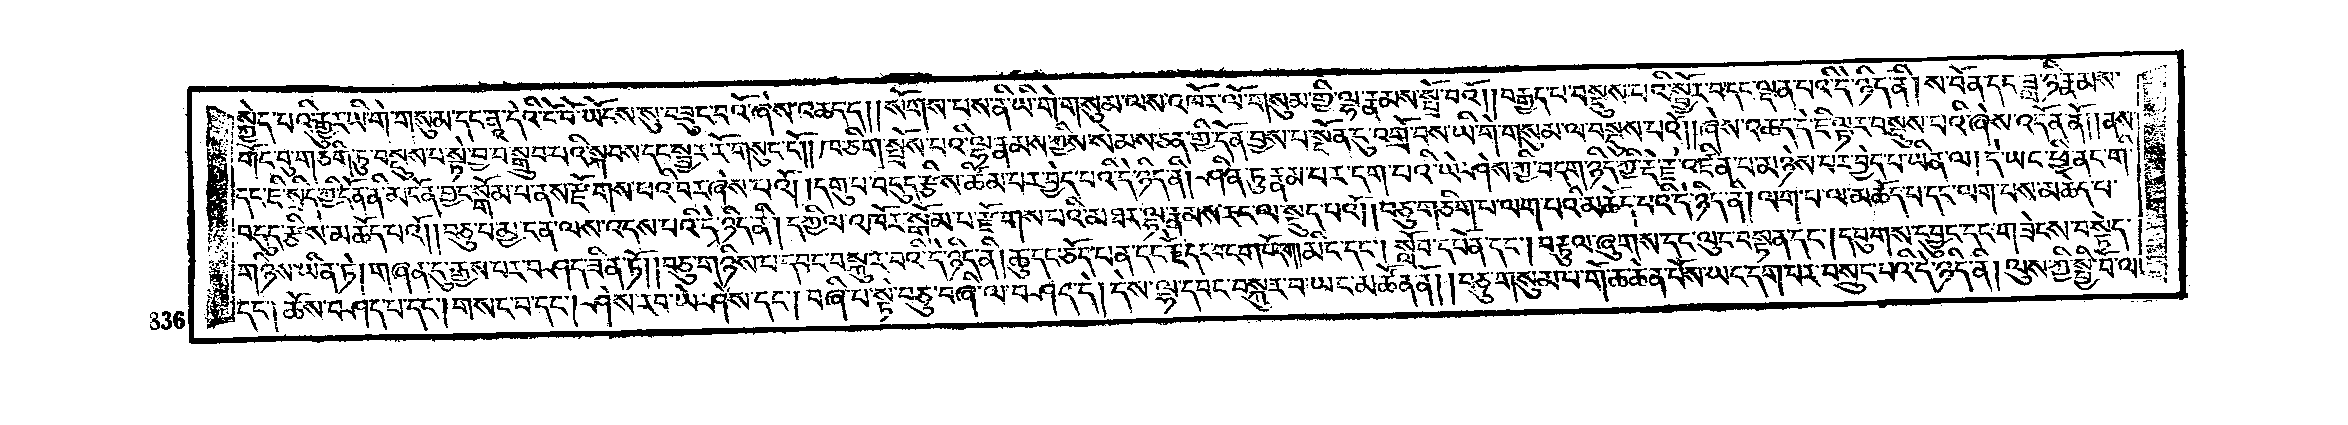སྐྱེད་པའི་རྒྱུར་ཡི་གེ་གསུམ་དང་ནཱ་དའི་ངོ་བོ་ཡོངས་སུ་བཟུང་བའོ་ཞེས་འཆད་དོ། །སོགས་པས་ནི་ཡི་གེ་གསུམ་ལས་འཁོར་ལོ་གསུམ་གྱི་ལྷ་རྣམས་སྤྲོ་བའོ། །བརྒྱད་པ་བསྡུས་པའི་སྦྱོར་བ་དང་ལྡན་པའི་དེ་ཉིད་ནི། ས་བོན་དང་ཟླ་ཉི་རྣམས་
གོང་བུ་གཅིག་ཏུ་བསྡུས་པ་སྟེ་བྱ་བ་སྒྲུབ་པའི་སྐབས་དང་སྦྱར་རོ་གསུང་ངོ། །ཁ་ཅིག་སྤྲོས་པའི་ལྷ་རྣམས་ཀྱིས་སེམས་ཅན་གྱི་དོན་བྱས་པ་སྔོན་དུ་འགྲོ་བས་ཡི་གེ་གསུམ་ལ་བསྡུས་པའོ། །ཞེས་འཆད་དེ་ཇི་ལྟར་བསྡུས་པའི་ཞེས་འདོན་ནོ། །ནས་
དང་ཇི་སྲིད་ཀྱི་དོན་ནི་མངོན་བྱང་སྒོམ་པ་ནས་རྫོགས་པའི་བར་ཞེས་པའོ། །དགུ་པ་བདུད་རྩིས་ཚིམ་པར་བྱེད་པའི་དེ་ཉིད་ནི། ཤིན་ཏུ་རྣམ་པར་དག་པའི་ཡེ་ཤེས་ཀྱི་བདག་ཉིད་ཀྱི་རྡོ་རྗེ་འཛིན་པ་མཉེས་པར་བྱེད་པ་ཡིན་ལ། དེ་ཡང་ཕྱི་ནང་གི་
བདུད་རྩི་མཆོད་པའོ། །བཅུ་པ་མྱ་ངན་ལས་འདས་པའི་དེ་ཉིད་ནི། དཀྱིལ་འཁོར་སྒོམ་པ་རྫོགས་པའི་མཐར་ལྷ་རྣམས་རང་ལ་སྡུད་པའོ། །བཅུ་གཅིག་པ་ལག་པའི་མཆོད་པའི་དེ་ཉིད་ནི། ལག་པ་ལ་མཆོད་པ་དང་ལག་པས་མཆོད་པ་
གཉིས་ཡིན་ཏེ། གཞན་དུ་རྒྱས་པར་བཤད་ཟིན་ཏོ། །བཅུ་གཉིས་པ་དབང་བསྐུར་བའི་དེ་ཉིད་ནི། ཆུ་དང་ཅོད་པན་དང་རྡོ་དང་བདག་པོ་དང་། མིང་དང་། སློབ་དཔོན་དང་། བརྟུལ་ཞུགས་དང་ལུང་བསྟན་དང་། དབུགས་དབྱུང་དང་གཟེངས་བསྟོད་
དང་། ཆོས་བཤད་པ་དང་། གསང་བ་དང་། ཤེས་རབ་ཡེ་ཤེས་དང་། བཞི་པ་སྟེ་བཅུ་བཞི་ལ་བཤད་དེ། དེས་ལྷ་དབང་བསྐུར་བ་ཡང་མཚོན་ནོ། །བཅུ་གསུམ་པ་གོ་ཆ་ཆེན་པོས་ཡང་དག་པར་བསྲུང་བའི་དེ་ཉིད་ནི། ལུས་ཀྱི་སྤྱི་བོ་ལ་